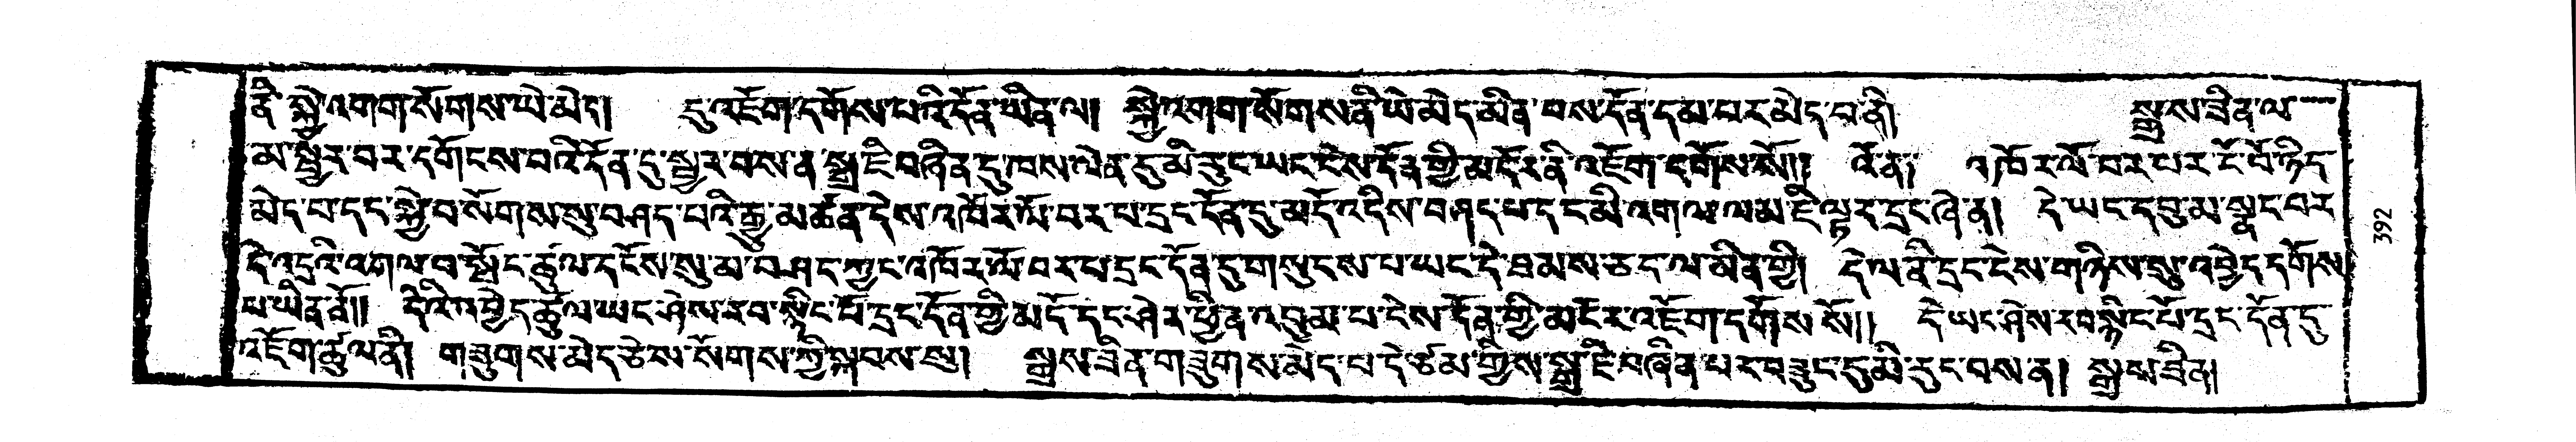ནི་སྐྱེ་འགག་སོགས་ཡེ་མེད། དུ་འཇོག་དགོས་པའི་དོན་ཡིན་ལ། སྐྱེ་འགག་སོགས་ནི་ཡེ་མེད་མིན་པས་དོན་དམ་པར་མེད་པ་ནི། སྒྲས་ཟིན་ལ་
མ་སྦྱར་བར་དགོངས་པའི་དོན་དུ་སྦྱར་བས་ན་སྒྲ་ཇི་བཞིན་དུ་ཁས་ལེན་དུ་མི་རུང་ཡང་ངེས་དོན་གྱི་མདོར་ནི་འཇོག་དགོས་སོ།། འོ་ན༑ འཁོར་ལོ་བར་པར་ངོ་བོ་ཉིད་
མེད་པ་དང་སྐྱེ་བ་སོགས་སུ་བཤད་པའི་རྒྱུ་མཚན་དེས་འཁོར་ལོ་བར་པ་དྲང་དོན་དུ་མདོ་འདིས་བཤད་པ་དང་མི་འགལ་ལམ་ཇི་ལྟར་དྲང་ཞེ་ན། དེ་ཡང་དབུ་མ་སྣང་བར་
དེ་འདྲའི་འགལ་བ་སྤོང་ཚུལ་དངོས་སུ་མ་བཤད་ཀྱང་འཁོར་ལོ་བར་བ་དྲང་དོན་དུ་གསུངས་པ་ཡང་དེ་ཐམས་ཅད་ལ་མིན་གྱི། དེ་ལ་ནི་དྲང་ངེས་གཉིས་སུ་འབྱེད་དགོས་
པ་ཡིན་ནོ།། དེའི་འབྱེད་ཚུལ་ཡང་ཤེས་རབ་སྙིང་པོ་དྲང་དོན་གྱི་མདོ་དང་ཤེར་ཕྱིན་འབུམ་པ་ངེས་དོན་གྱི་མངོར་འཇོག་དགོས་སོ།། དེ་ཡང་ཤེས་རབ་སྙིང་པོ་དྲང་དོན་དུ་
འཇོག་ཚུལ་ནི། གཟུགས་མེད་ཅེས་སོགས་ཀྱི་སྐབས་སུ། སྒྲས་ཟིན་གཟུགས་མེད་པ་དེ་ཙམ་གྱིས་སྒྲ་ཇི་བཞིན་པར་བཟུང་དུ་མི་རུང་བས་ན། སྒྲས་ཟིན།